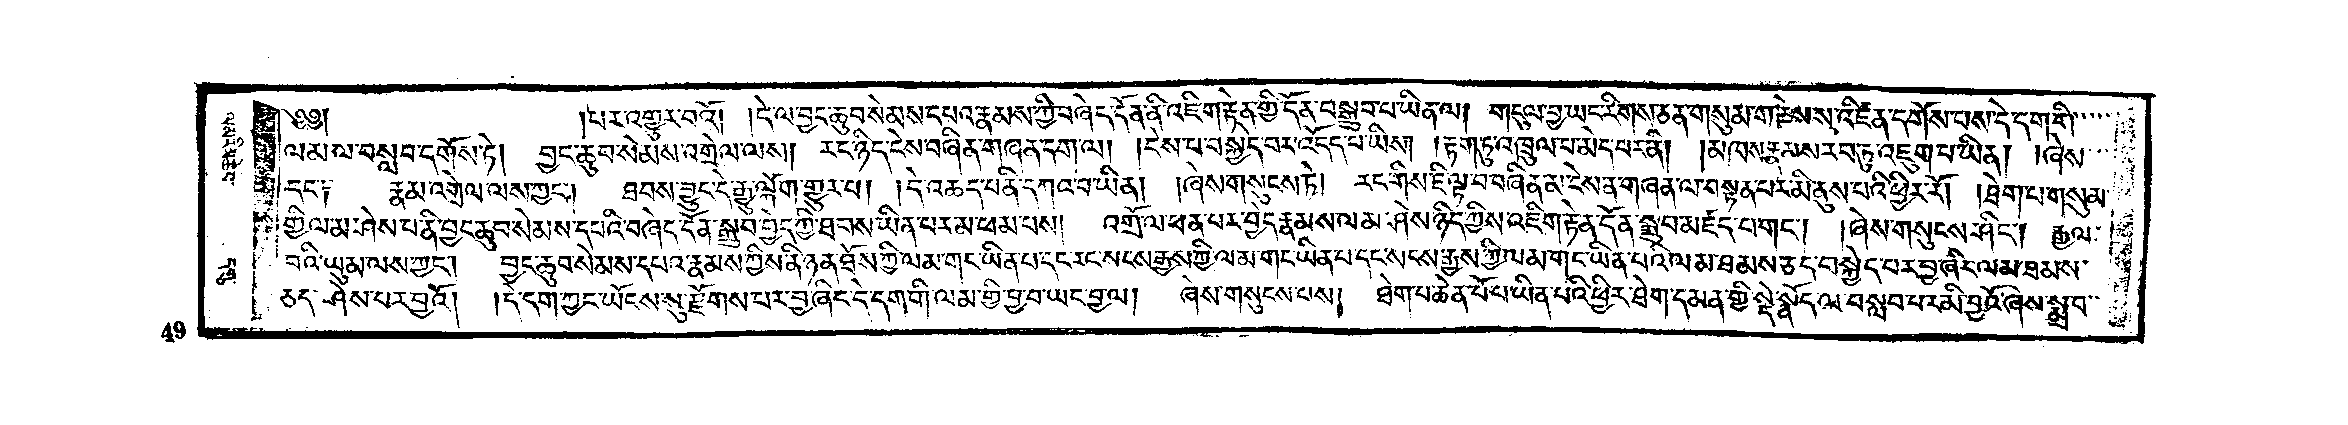༄༅། །པར་འགྱུར་བའོ། །དེ་ལ་བྱང་ཆུབ་སེམས་དཔའ་རྣམས་ཀྱི་བཞེད་དོན་ནི་འཇིག་རྟེན་གྱི་དོན་བསྒྲུབ་པ་ཡིན་ལ། གདུལ་བྱ་ཡང་རིགས་ཅན་གསུམ་ག་རྗེས་སུ་འཛིན་དགོས་པས་དེ་དག་གི་
ལམ་ལ་བསླབ་དགོས་ཏེ། བྱང་ཆུབ་སེམས་འགྲེལ་ལས། རང་ཉིད་ངེས་བཞིན་གཞན་དག་ལ། །ངེས་པ་བསྐྱེད་པར་འདོད་པ་ཡིས། །རྟག་ཏུ་འཁྲུལ་པ་མེད་པར་ནི། །མཁས་རྣམས་རབ་ཏུ་འཇུག་པ་ཡིན། །ཞེས་
དང༑ རྣམ་འགྲེལ་ལས་ཀྱང་། ཐབས་བྱུང་དེ་རྒྱུ་ལྐོག་གྱུར་པ། །དེ་འཆད་པ་ནི་དཀའ་བ་ཡིན། །ཞེས་གསུངས་ཏེ། རང་གིས་ཇི་ལྟ་བ་བཞིན་མ་ངེས་ན་གཞན་ལ་བསྟན་པར་མི་ནུས་པའི་ཕྱིར་རོ། །ཐེག་པ་གསུམ་
གྱི་ལམ་ཤེས་པ་ནི་བྱང་ཆུབ་སེམས་དཔའི་བཞེད་དོན་སྒྲུབ་བྱེད་ཀྱི་ཐབས་ཡིན་པར་མ་ཕམ་པས། འགྲོ་ལ་ཕན་པར་བྱེད་རྣམས་ལམ་ཤེས་ཉིད་ཀྱིས་འཇིག་རྟེན་དོན་སྒྲུབ་མཛད་པ་གང་། །ཞེས་གསུངས་ཤིང་། རྒྱལ་
བའི་ཡུམ་ལས་ཀྱང་། བྱང་ཆུབ་སེམས་དཔའ་རྣམས་ཀྱིས་ནི་ཉན་ཐོས་ཀྱི་ལམ་གང་ཡིན་པ་དང་རང་སངས་རྒྱས་ཀྱི་ལམ་གང་ཡིན་པ་དང་སངས་རྒྱས་ཀྱི་ལམ་གང་ཡིན་པའི་ལམ་ཐམས་ཅད་བསྐྱེད་པར་བྱ་ཞིང་ལམ་ཐམས་
ཅད་ཤེས་པར་བྱའོ། །དེ་དག་ཀྱང་ཡོངས་སུ་རྫོགས་པར་བྱ་ཞིང་དེ་དག་གི་ལམ་གྱི་བྱ་བ་ཡང་བྱ་ལ། ཞེས་གསུངས་པས། ཐེག་པ་ཆེན་པོ་པ་ཡིན་པའི་ཕྱིར་ཐེག་དམན་གྱི་སྡེ་སྣོད་ལ་བསླབ་པར་མི་བྱའོ་ཞེས་སྨྲ་བ་